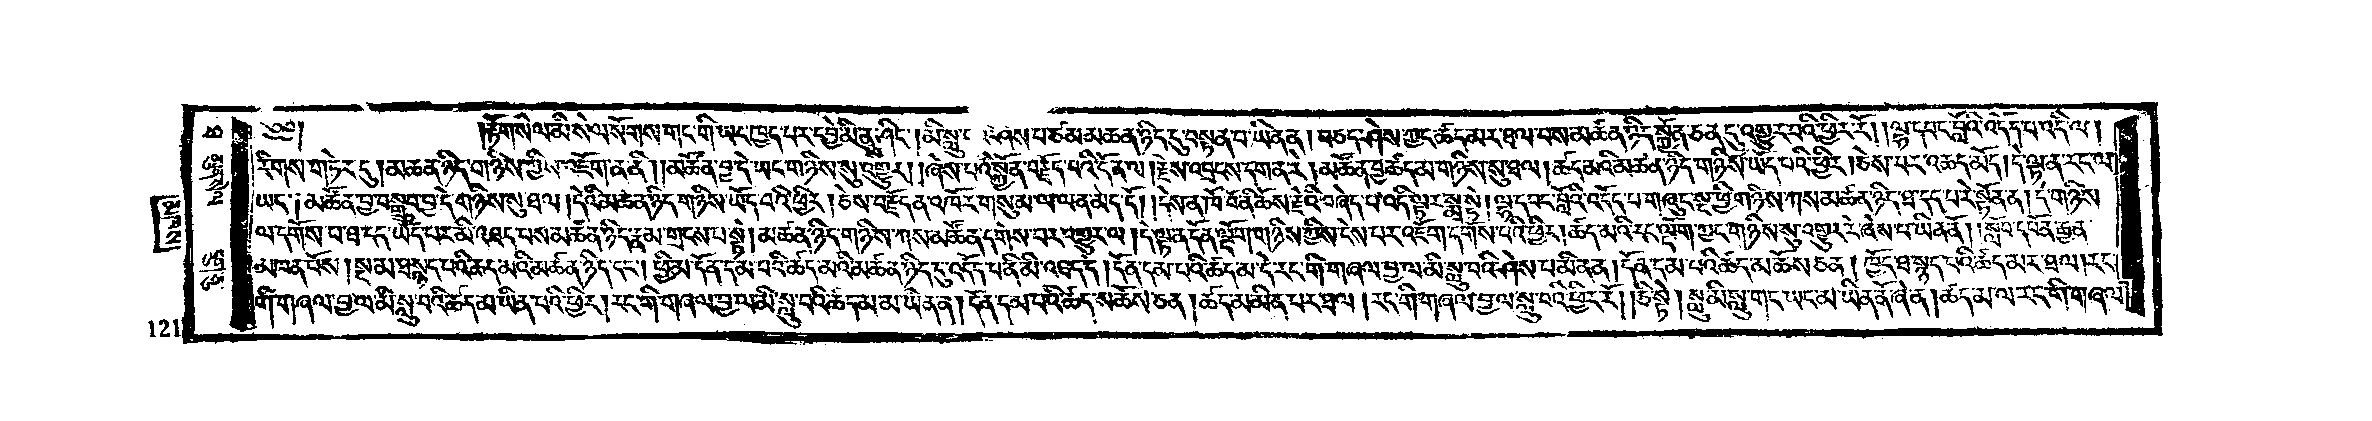༄༅། །རྟོག་སེལ་སོགས་གང་གི་ཡང་ཁྱད་པར་དབྱེ་མི་ནུས་ཤིང་། མི་སླུ་བའི་ཤེས་པ་ཙམ་མཚན་ཉིད་དུ་བསྟན་པ་ཡིན་ན། བཅད་ཤེས་ཀྱང་ཚད་མར་ཐལ་བས་མཚན་མར་ཐལ་བས་མཚན་ཉིད་སྐྱན་ཅན་དུ་འགྱུར་བའི་ཕྱིར་རོ། །ལྷ་དབང་བློའི་འདོད་པ་འདི་ལ།
རིགས་གཏེར་དུ། མཚན་ཉིད་གཉིས་ཀྱིས་འཇོག་ན་ནི། །མཚོན་བྱ་དེ་ཡང་གཉིས་སུ་འགྱུར། །ཞེས་པའི་སྐྱོན་བརྗོད་པའི་དོན་ལ། རྗེས་འབྲངས་དག་ན་རེ། མཚོན་བྱ་ཚད་མ་གཉིས་སུ་ཐལ། ཆད་མའི་མཚན་ཉིད་གཉིས་ཡོད་པའི་ཕྱིར། ཅེས་པར་འཆད་མོད། དེ་ལྟ་ན་རང་ལ་
ཡང༑ མཚོན་བྱ་བསྒྲུབ་བྱ་དེ་གཉིས་སུ་ཐལ། དེའི་མཚན་ཉིད་གཉིས་ཡོད་པའི་ཕྱིར། ཅེས་བརྗོད་ན་འཁོར་གསུམ་ལ་ལན་མེད་དོ། །དེས་ན་ཁོ་བོ་ནི་ཆོས་རྗེའི་བཞེད་པ་འདི་ལྟར་སྨྲ་སྟེ། ལྷ་དབན་བློའི་འདོད་པ་གཞུང་སྔ་ཕྱི་གཉིས་ཀས་མཚན་ཉིད་ཐ་དད་པ་རེ་སྟོན་ན། དེ་གཉིས་
ལ་དགོས་པ་ཐ་དད་ཡོད་པར་མི་འཐད་པས་མཚན་ཉིད་རྣམ་གྲངས་པ་སྟེ། མཚན་ཉིད་གཉིས་ཀས་མཚོན་དགོས་པར་འགྱུར་ལ། དེ་ལྟ་ན་དོན་ལྡོག་གཉིས་ཀྱིས་ངེས་པར་འཇོག་དགོས་པའི་ཕྱིར། ཆེད་མའི་རང་ལྡོག་ཀྱང་གཉིས་སུ་འགྱུར་རོ་ཞེས་པ་ཡིན་ནོ། །སློབ་དཔོན་རྒྱན་
མཁན་པས། སྔ་མ་ཐ་སྙིད་པའི་ཆད་མའི་མཚན་ཉིད་དང་། ཕྱི་མ་དོན་དམ་པའི་ཆད་མའི་མཚན་ཉིད་དུ་འདོད་པ་ནི་མི་འཐད་དེ། དོན་དམ་པའི་ཆད་མ་དེ་རང་གི་གཞལ་བྱ་ལ་མི་སླུ་བའི་ཤེས་པ་མིན་ན། དོན་དམ་པའི་ཚད་མ་ཆོས་ཅན། ཁྱོད་ཐ་སྙད་པའི་ཚད་མར་ཐལ། རང་
གི་གཞལ་བྱ་ལ་མི་སླུ་བའི་ཆད་མ་ཡིན་པའི་ཕྱིར། རང་གི་གཞལ་བྱ་ལ་མི་སླུ་བའི་ཚད་མ་མ་ཡིན་ན། དོ་དམ་པའི་ཚད་མ་ཆོས་ཅན། ཆད་མ་མིན་པར་ཐལ། རང་གི་གཞལ་བྱ་ལ་སླུ་བའི་ཕྱིར་རོ། །ཅི་སྟེ། སླུ་མི་སླུ་གང་ཡང་མ་ཡིན་ནོ་ཞེ་ན་མཚད་མ་ལ་རང་གི་གཞལ་